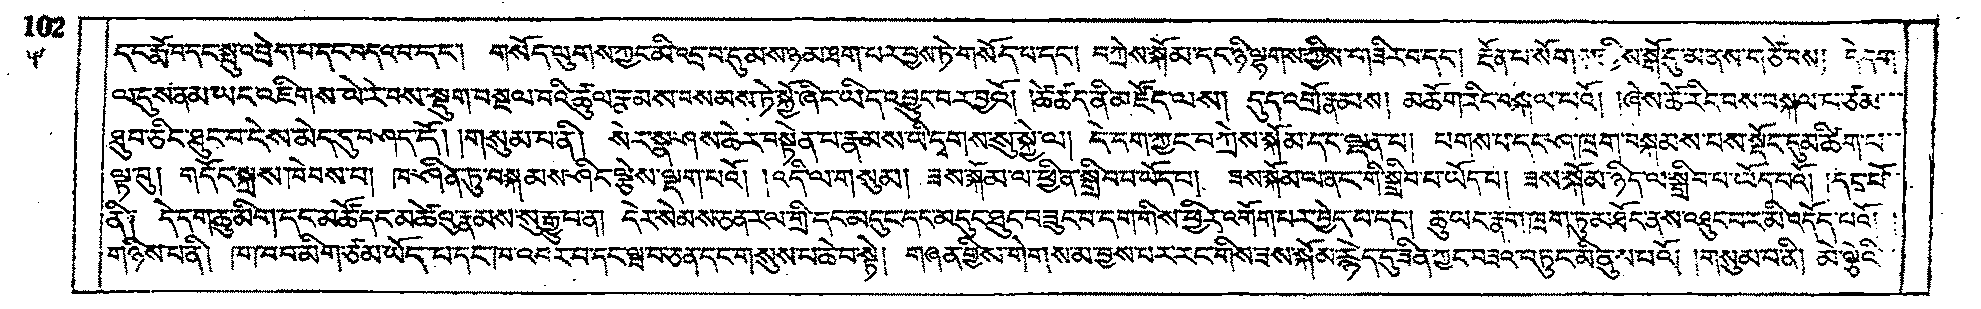དང་རྨོ་བ་དང་སྤུ་འབྲེག་པ་དང་བདའ་བ་དང་། གསོད་ལུགས་ཀྱང་མི་འདྲ་བ་དུ་མས་ཉམ་ཐག་པར་བྱས་ཏེ་གསོད་པ་དང་། བཀྲེས་སྐོམ་དང་ཉི་ལྷགས་ཀྱིས་གཟིར་བ་དང་། རྔོན་པ་སོགས་ཀྱིས་སྒོ་དུ་མ་ནས་གཙེ་བས། དེ་དག་
ལ་དུས་ནམ་ཡང་འཇིགས་ཡེ་རེ་བས་སྡུག་བསྔལ་བའི་ཚུལ་རྣམས་བསམས་ཏེ་སྐྱོ་ཞིང་ཡིད་འབྱུང་བར་བྱའོ། །ཚེ་ཚད་ནི་མཛོད་ལས། དུད་འགྲོ་རྣམས། མཆོག་རིང་བསྐལ་པའོ། །ཞེས་ཚེ་རིང་བས་བསྐལ་པ་ཙམ་
ཐུབ་ཅིང་ཐུང་བ་ངེས་མེད་དུ་བཤད་དོ། །གསུམ་པ་ནི། སེར་སྣ་ཤས་ཆེར་བསྟེན་པ་རྣམས་ཡི་དྭགས་སུ་སྐྱེ་ལ། དེ་དག་ཀྱང་བཀྲེས་སྐོམ་དང་ལྡན་པ། པགས་པ་དང་ཤ་ཁྲག་བསྐམས་པས་སྡོང་དུམ་ཚིག་པ་
ལྟ་བུ། གདོང་སྐྲས་ཁེབས་པ། ཁ་ཤིན་ཏུ་བསྐམས་ཤིང་ལྕེས་ལྡག་པའོ། །འདི་ལ་གསུམ། ཟས་སྐོམ་ལ་ཕྱི་ན་སྒྲིབ་པ་ཡོད་པ། ཟས་སྐོམ་ལ་ནང་གི་སྒྲིབ་པ་ཡོད་པ། ཟས་སྐོམ་ཉིད་ལ་སྒྲིབ་པ་ཡོད་པའོ། །དྲང་པོ་
ནི༑ དེ་དག་ཆུ་མིག་དང་མཚོ་དང་མཚེའུ་རྣམས་སུ་རྒྱུ་བ་ན། དེར་སེམས་ཅན་རལ་གྲི་དང་མདུང་དང་མདུང་ཐུང་བཟུང་བ་དག་གིས་ཕྱིར་འགོག་པར་བྱེད་པ་དང་། ཆུ་ཡང་རྣག་ཁྲག་ཏུ་མཐོང་ནས་འཐུང་བར་མི་འདོད་པའོ། །
གཉིས་པ་ནི། ཁ་ཁབ་མིག་ཙམ་ཡོད་པ་དང་ཁ་འབར་བ་དང་ཝ་བ་ཅན་དང་གསུས་པ་ཆེ་བ་སྟེ། གཞན་གྱིས་གེགས་མ་བྱས་པར་རང་གིས་ཟས་སྐོམ་རྙེད་དུ་ཟིན་ཀྱང་བཟའ་བཏུང་མི་ནུས་པའོ། །གསུམ་པ་ནི། མེ་ལྕེའི་